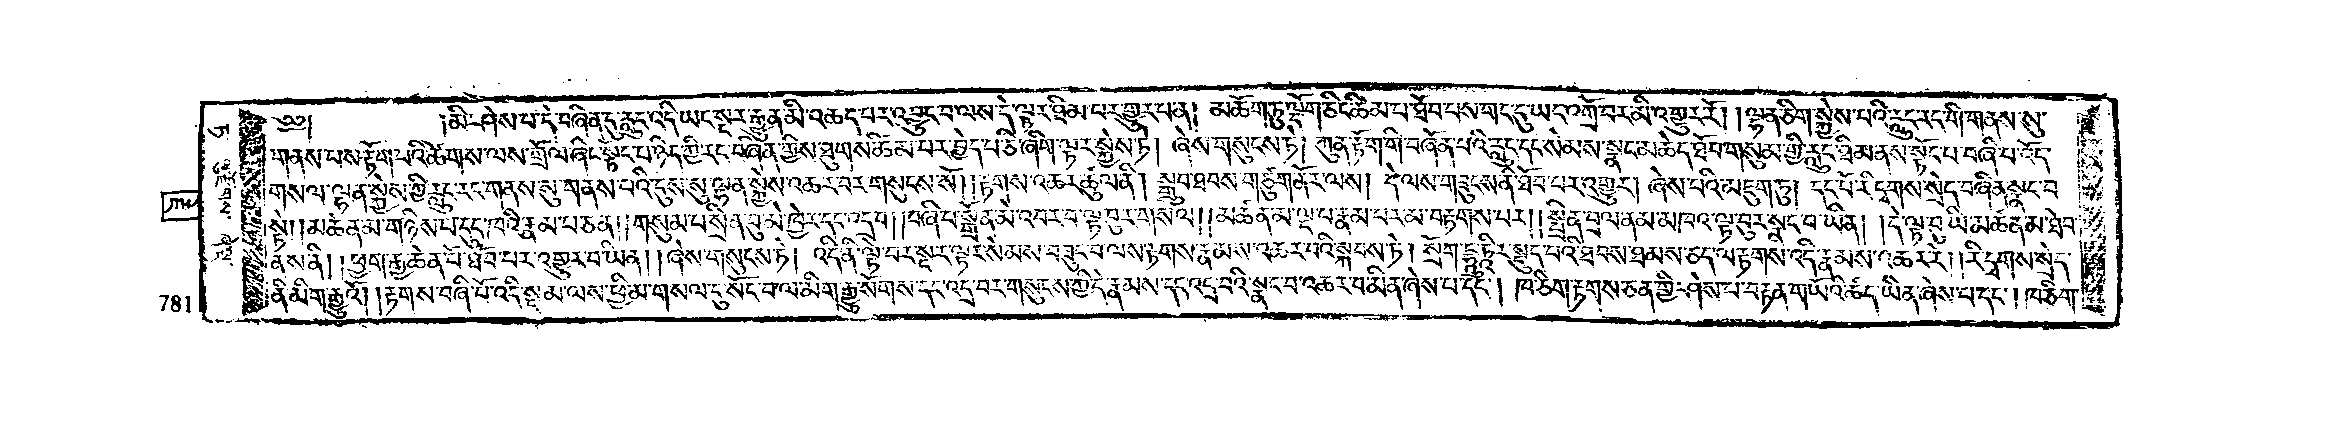༄༅། །མི་ཤེས་པ་དེ་བཞིན་དུ་རླུང་འདི་ཡང་སྔར་རྒྱུན་མི་འཆད་པར་འབྱུང་བ་ལས་དེ་ལྟར་ཐིམ་པར་གྱུར་པ་ན། མཆོག་ཏུ་ལྡོག་ཅིང་ཚིམ་པ་ཐོབ་པས་གང་དུ་ཡང་འགྲོ་བར་མི་འགྱུར་རོ། །ལྷན་ཅིག་སྐྱེས་པའི་རླུང་རང་གི་གནས་སུ་
གནས་པས་རྟོག་པའི་ཚོགས་ལས་གྲོལ་ཞིང་སྟོང་པ་ཉིད་ཀྱི་རང་བཞིན་གྱིས་ཐུགས་ཚིམ་པར་བྱེད་པ་ཅི་ཞིག་ལྟར་སྐྱེས་ཏེ། ཞེས་གསུངས་ཏེ། ཀུན་རྟོག་གི་བཞོན་པའི་རླུང་དང་སེམས་སྣང་མཆེད་ཐོབ་གསུམ་གྱི་རླུང་ཐིམ་ནས་སྟོང་པ་བཞི་པ་འོད་
གསལ་ལྷན་སྐྱེས་ཀྱི་རླུང་རང་གནས་སུ་གནས་པའི་དུས་སུ་ལྷན་སྐྱེས་འཆར་བར་གསུངས་སོ། །རྟགས་འཆར་ཚུལ་ནི། སྒྲུབ་ཐབས་གཙུག་ནོར་ལས། དེ་ལས་གཟུངས་ནི་ཐོབ་པར་འགྱུར། ཞེས་པའི་མཇུག་ཏུ། དང་པོ་རི་དྭགས་སྲེད་བཞིན་སྣང་བ་
སྟེ། །མཚན་མ་གཉིས་པ་དུད་ཁའི་རྣམ་པ་ཅན། །གསུམ་པ་སྲིན་བུ་མེ་ཁྱེར་དང་འདྲ་བ། །བཞི་པ་སྒྲོན་མེ་འབར་བ་ལྟ་བུར་གསལ། །མཚན་མ་ལྔ་པ་རྣམ་པར་མ་བརྟགས་པར། །སྤྲིན་བྲལ་ནམ་མཁའ་ལྟ་བུར་སྣང་བ་ཡིན། །དེ་ལྟ་བུ་ཡི་མཚན་མ་ཐོབ་
ནས་ནི། །ཕྱག་རྒྱ་ཆེན་པོ་ཐོབ་པར་འགྱུར་བ་ཡིན། །ཞེས་གསུངས་ཏེ། འདི་ནི་ལྟེ་བར་སྔར་ལྟར་སེམས་བཟུང་བ་ལས་རྟགས་རྣམས་འཆར་བའི་སྐབས་ཏེ། སྲོག་དྷཱུ་ཏཱིར་སྡུད་པའི་ཐབས་ཐམས་ཅད་ལ་རྟགས་འདི་རྣམས་འཆར་རེ། །རི་དྭགས་སྲེད་
ནི་མིག་རྒྱུའོ། །རྟགས་བཞི་པོ་འདི་སྔ་མ་ལས་ཕྱི་མ་གསལ་དུ་སོང་བ་ལ་མིག་རྒྱུ་སོགས་དང་འདྲ་བར་གསུངས་ཀྱི་དེ་རྣམས་དང་འདྲ་བའི་སྣང་བ་འཆར་བ་མིན་ཞེས་པ་དང་། ཁ་ཅིག་རྟགས་ཅན་གྱི་ཤེས་པ་བརྟན་གཡོའི་ཚད་ཡིན་ཞེས་པ་དང་། ཁ་ཅིག་